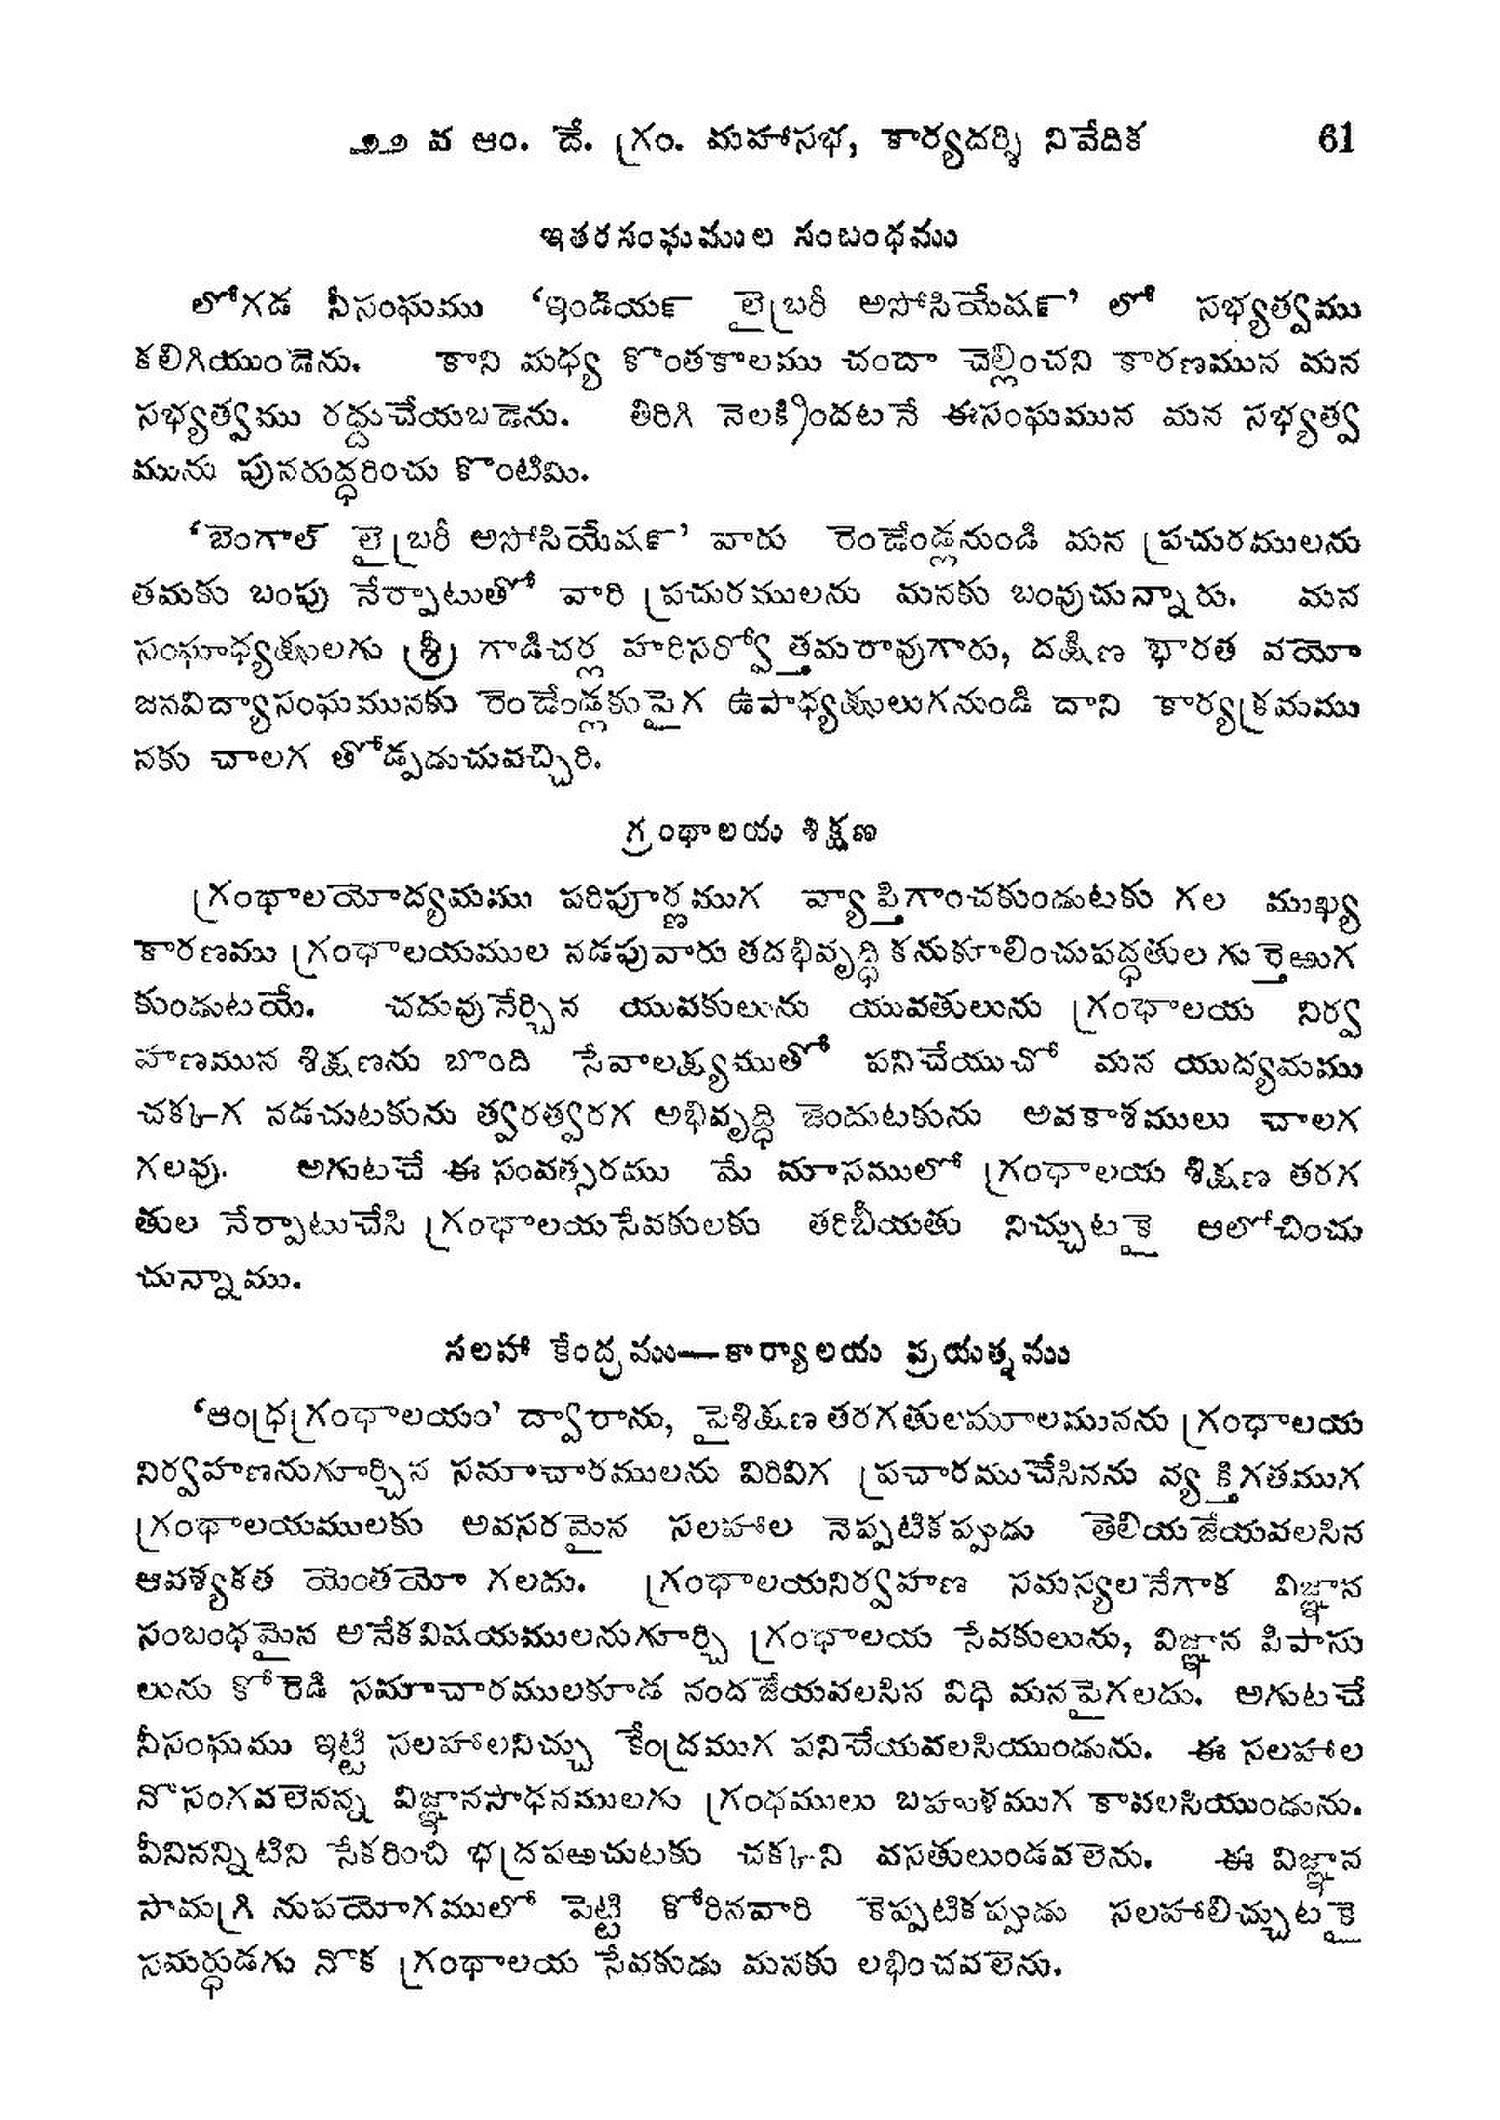లోగడ నీసంఘము 'ఇండియ౯ లైబ్రరీ అసోసియేష౯' లో సభ్యత్వము కలిగియుండెను. కాని మధ్య కొంతకాలము చందా
చెల్లించని కారణమున మన సభ్యత్వము రద్దు చేయబడెను. తిరిగి నెల కిందటనే ఈసంఘమున మన సభ్యత్వమును 
పునరుద్ధరించు కొంటిమి.

'బెంగాల్ లైబ్రరీ అసోసియేష౯' వారు రెండేండ్లనుండి మన ప్రచురములను తమకు బంపు నేర్పాటుతో వారి 
ప్రచురములను మనకు బంపుచున్నారు. మన సంఘాధ్యక్షులగు శ్రీ గాడిచర్ల హరిసర్వోత్తమరావుగారు, దక్షిణ భారత 
వయోజనవిద్యా సంఘమునకు రెండేండ్లకు పైగ ఉపాధ్యక్షులుగనుండి దాని కార్యక్రమమునకు చాలగ తోడ్పడుచువచ్చిరి.

గ్రంథాలయోద్యమము పరిపూర్ణముగ వ్యాప్తిగాంచకుండుటకు గల ముఖ్యకారణము గ్రంధాలయముల నడపువారు తదభివృద్ధి కనుకూలించుపద్ధతుల గుర్తెఱుగ కుండుటయే. చదువు నేర్చిన యువకులును యువతులును గ్రంథాలయ నిర్వహణమున
శిక్షణను బొంది సేవాలక్ష్యముతో పనిచేయుచో మన యుద్యమము చక్కగ నడచుటకును త్వరత్వరగ అభివృద్ధి చెందుటకును 
అవకాశములు చాలగ గలవు. అగుటచే ఈ సంవత్సరము మే మాసములో గ్రంధాలయ శిక్షణ తరగతుల నేర్పాటు చేసి 
గ్రంథాలయ సేవకులకు తరిబీయతు నిచ్చుటకై ఆలోచించు చున్నాము.

'ఆంధ్రగ్రంథాలయం' ద్వారాను, పైశిక్షణ తరగతులమూలమునను గ్రంధాలయ నిర్వహణనుగూర్చిన సమాచారములను 
విరివిగ ప్రచారము చేసినను వ్యక్తిగతముగ గ్రంథాలయములకు అవసరమైన సలహాల నెప్పటికప్పుడు తెలియ జేయవలసిన
ఆవశ్యకత యెంతయో గలదు. గ్రంథాలయ నిర్వహణ సమస్యలనేగాక విజ్ఞాన సంబంధమైన అనేక విషయములను గూర్చి
గ్రంథాలయ సేవకులును, విజ్ఞాన పిపాసులును కోరెడి సమాచారములుకూడ నంద జేయవలసిన విధి మనపై గలదు. 
అగుటచే నీసంఘము ఇట్టి సలహాలనిచ్చు కేంద్రముగ పనిచేయవలసియుండును. ఈ సలహానొసంగవలెనన్న 
విజ్ఞాన సాధనములకు గ్రంధములు బహుళముగ కావలసియుండును. వీనినన్నిటిని సేకరించి భద్రపఱచుటకు చక్కని 
వసతులుండవలెను. ఈ విజ్ఞాన సామగ్రి నుపయోగములో పెట్టి కోరినవారి కెప్పటికప్పుడు సలహాలిచ్చుటకై సమర్ధుడగు 
నొక గ్రంథాలయ సేవకుడు మనకు లభించవలెను.